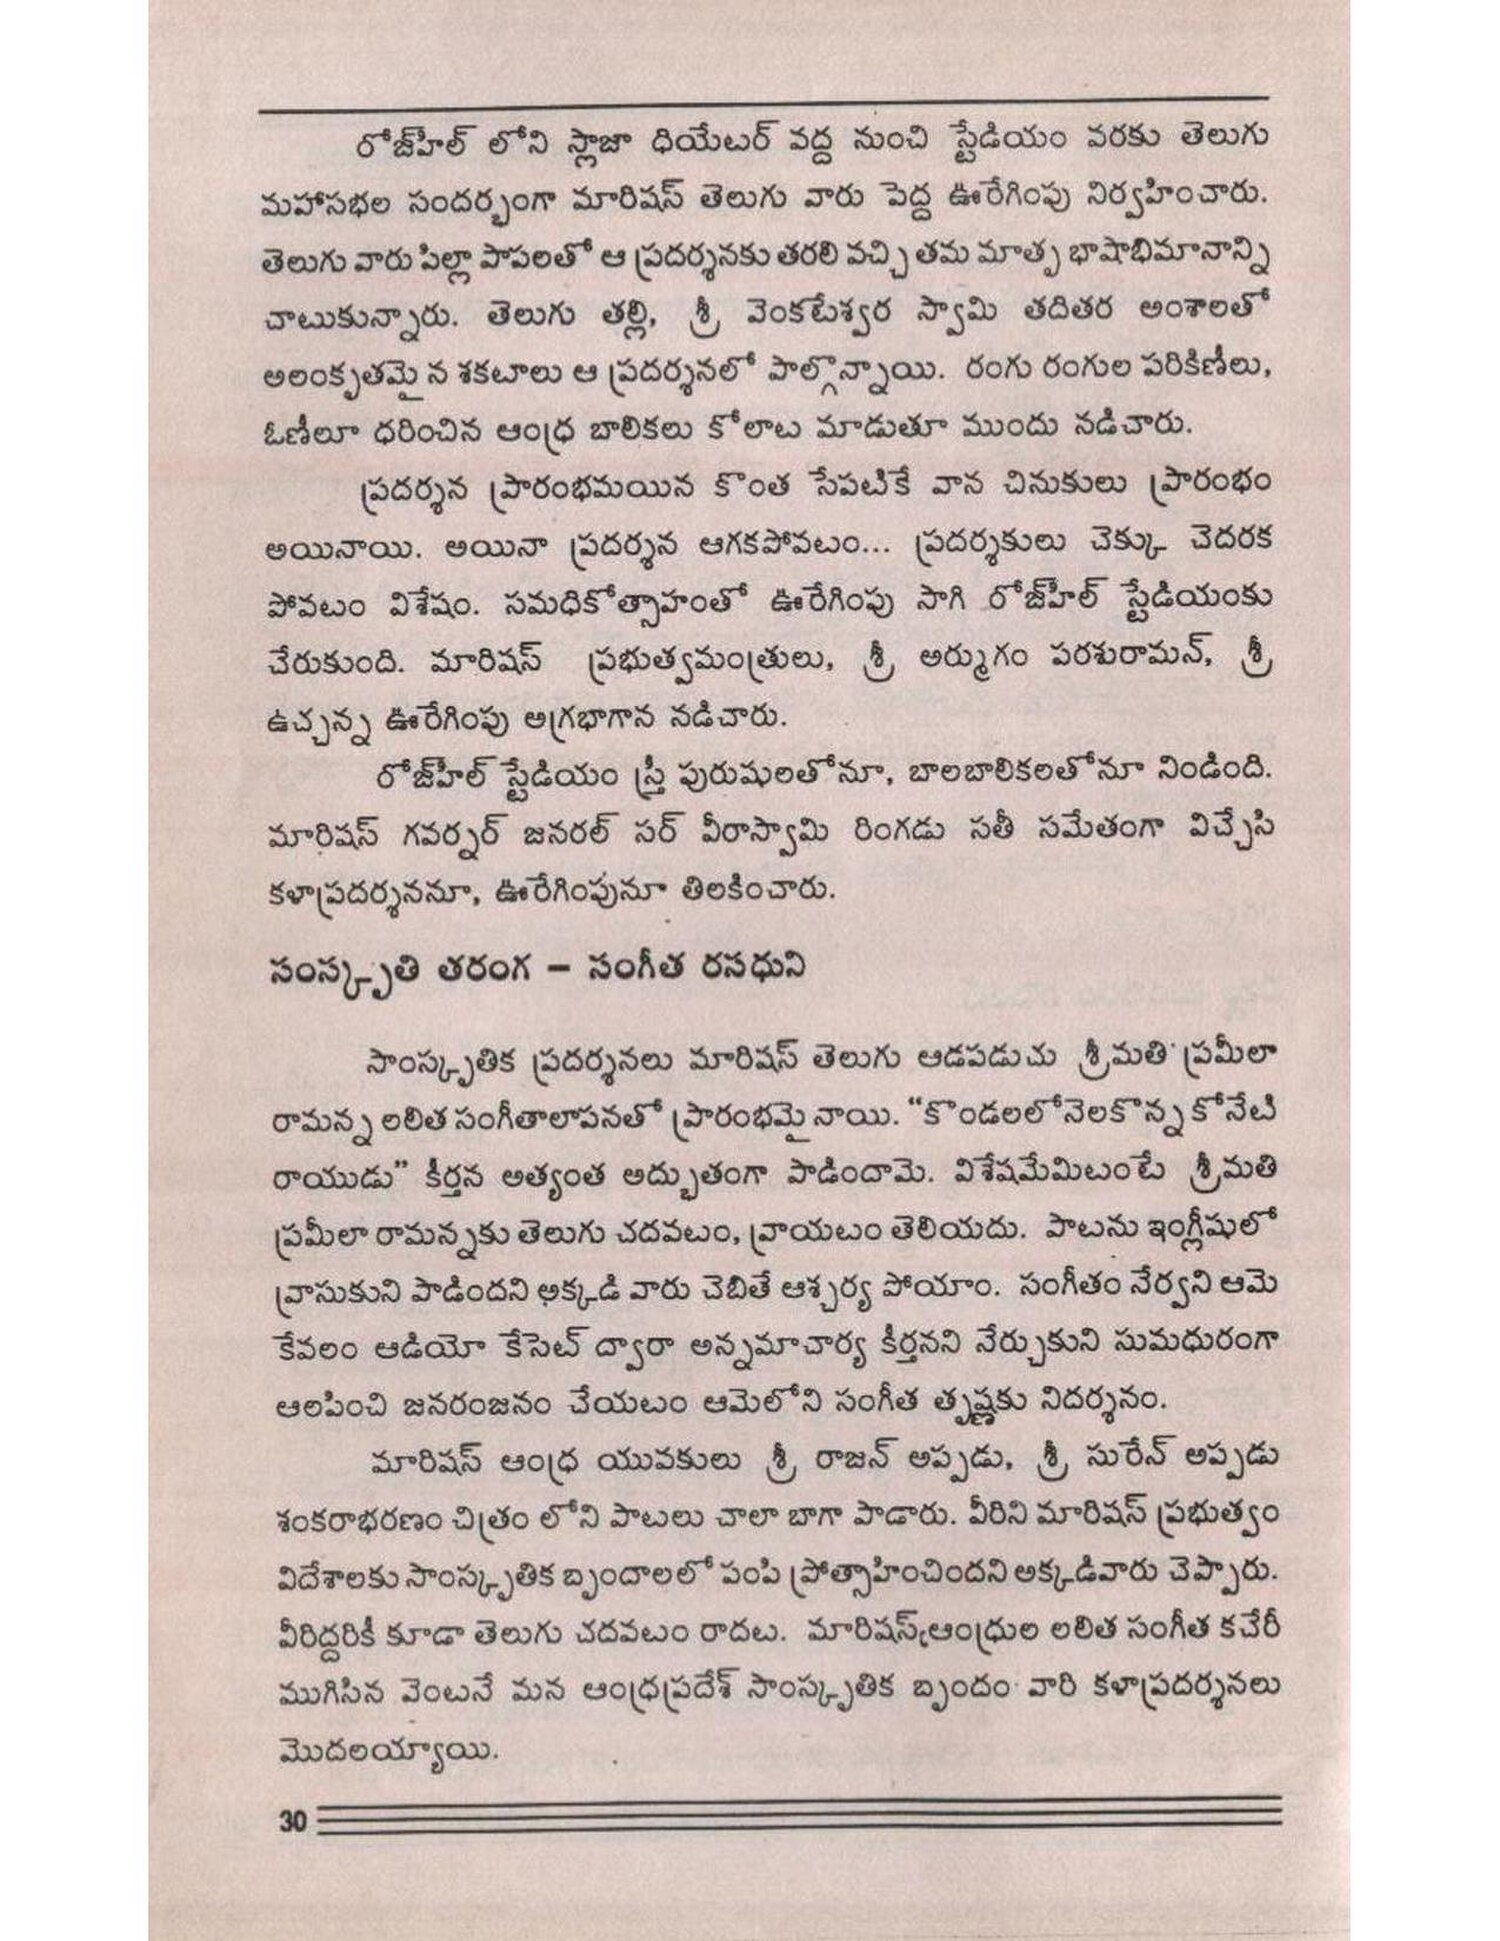రోజ్‌హిల్ లోనిప్లాజా ధియేటర్ వద్ద నుంచి స్టేడియం వరకు తెలుగు మహాసభల సందర్భంగా మారిషస్ తెలుగు వారు పెద్ద ఊరేగింపు నిర్వహించారు. తెలుగు వారు పిల్లా పాపలతో ఆ ప్రదర్శనకు తరలివచ్చితమ మాతృ భాషాభిమానాన్ని చాటుకున్నారు, తెలుగు తల్లి, శ్రీ వెంకటేశ్వర స్వామి తదితర అంశాలతో అలంకృతమైన శకటాలు ఆ ప్రదర్శనలో పాల్గొన్నాయి. రంగు రంగుల పరికిణీలు, ఓణీలూ ధరించిన ఆంధ్ర బాలికలు కోలాట మాడుతూ ముందు నడిచారు.

ప్రదర్శన ప్రారంభమయిన కొంత సేపటికే వాన చినుకులు ప్రారంభం అయినాయి. అయినా ప్రదర్శన ఆగకపోవటం... ప్రదర్శకులు చెక్కు చెదరకపోవటం విశేషం. సమధికోత్సాహంతో ఊరేగింపు సాగి రోజ్‌హిల్ స్టేడియంకు చేరుకుంది. మారిషస్ ప్రభుత్వమంత్రులు, శ్రీ అర్ముగం పరశురామన్, శ్రీ ఉచ్చన్న ఊరేగింపు అగ్రభాగాన నడిచారు.

రోజ్‌హిల్ స్టేడియం స్త్రీ పురుషులతోనూ, బాలబాలికలతోనూ నిండింది. మారిషస్ గవర్నర్ జనరల్ సర్ వీరాస్వామి రింగడు సతీ సమేతంగా విచ్చేసి కళాప్రదర్శననూ, ఊరేగింపునూ తిలకించారు.

సంస్కృతి తరంగ - సంగీత రసధుని

సాంస్కృతిక ప్రదర్శనలు మారిషస్ తెలుగు ఆడపడుచు శ్రీమతి ప్రమీలా రామన్న లలిత సంగీతాలాపనతో ప్రారంభమైనాయి. "కొండలలోనెలకొన్న కోనేటి రాయుడు" కీర్తన అత్యంత అద్బుతంగా పాడిందామె. విశేషమేమిటంటే శ్రీమతి ప్రమీలా రామన్నకు తెలుగు చదవటం, వ్రాయటం తెలియదు. పాటను ఇంగ్లీషులో వ్రాసుకుని పాడిందని అక్కడి వారు చెబితే ఆశ్చర్యపోయాం. సంగీతం నేర్వని ఆమె కేవలం ఆడియో కేసెట్ ద్వారా అన్నమాచార్య కీర్తనని నేర్చుకుని సుమధురంగా ఆలపించి జనరంజనం చేయటం ఆమెలోని సంగీత తృష్ణకు నిదర్శనం.

మారిషస్ ఆంధ్ర యువకులు శ్రీ రాజన్ అప్పడు, శ్రీ సురేన్ అప్పడు శంకరాభరణం చిత్రం లోని పాటలు చాలా బాగా పాడారు. వీరిని మారిషస్ ప్రభుత్వం విదేశాలకు సాంస్కృతిక బృందాలలో పంపి ప్రోత్సాహించిందని అక్కడివారు చెప్పారు. వీరిద్దరికీ కూడా తెలుగు చదవటం రాదట. మారిషస్ ఆంధ్రుల లలిత సంగీత కచేరీ ముగిసిన వెంటనే మన ఆంధ్రప్రదేశ్ సాంస్కృతిక బృందం వారి కళాప్రదర్శనలు మొదలియ్యూయి.